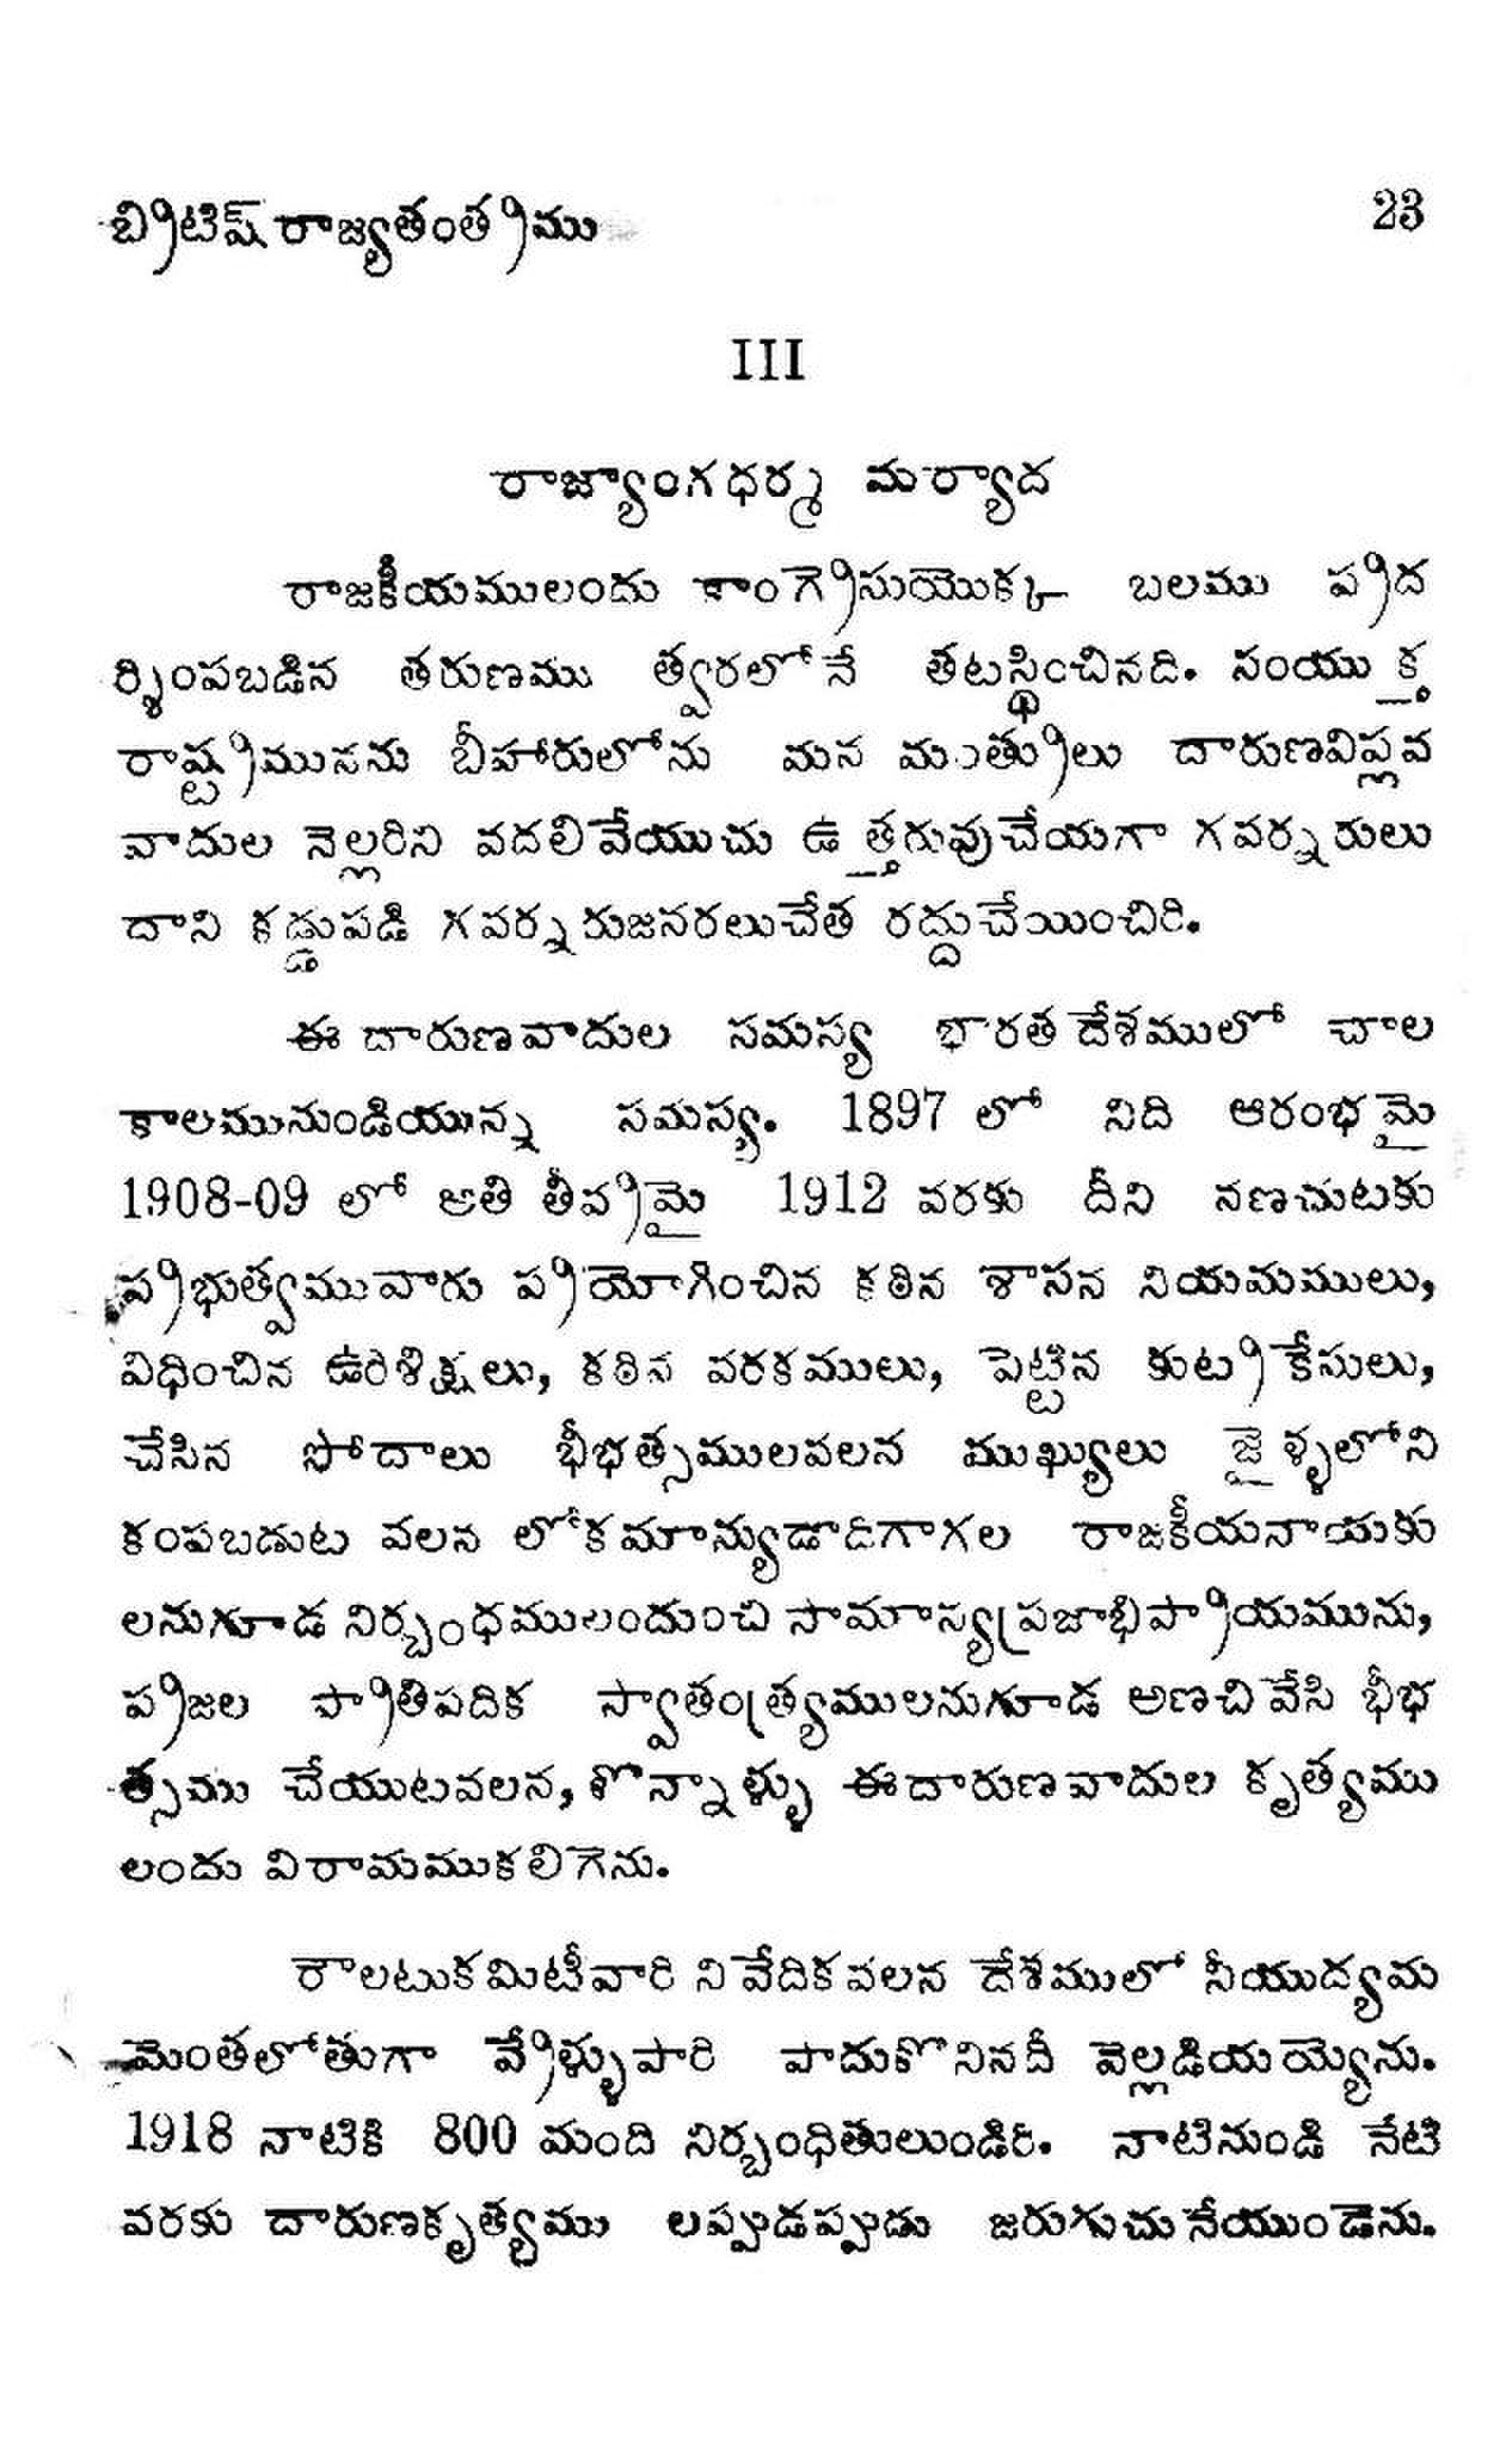III
రాజ్యాంగధర్మ మర్యాద 

రాజకీయములందు కాంగ్రెసుయొక్క బలము ప్రదర్శింపబడిన తరుణము త్వరలోనే తటస్థించినది. సంయుక్త రాష్ట్రమునను బీహారులోను మన మంత్రులు దారుణవిప్లవవాదుల నెల్లరిని వదలివేయుచు ఉత్తరువుచేయగా గవర్నరులు దాని కడ్డుపడి గవర్నరుజనరలుచేత రద్దు చేయించిరి.

ఈ దారుణవాదుల సమస్య భారతదేశములో చాలకాలమునుండియున్న సమస్య. 1897 లో నిది ఆరంభమై 1908-09 లో అతి తీవ్రమై 1912 వరకు దీని నణచుటకు ప్రభుత్వమువారు ప్రయోగించిన కఠిన శాసన నియమములు, విధించిన ఉరిశిక్షలు, కఠిన నరకములు, పెట్టిన కుట్రకేసులు, చేసిన సోదాలు భీభత్సములవలన ముఖ్యులు జైళ్ళలోని కంపబడుట వలన లోకమాన్యుడాదిగాగల రాజకీయనాయుకులనుగూడ నిర్బంధములందుంచి సామాన్య ప్రజాభిప్రాయమును, ప్రజల ప్రాతిపదిక స్వాతంత్ర్యములనుగూడ అణచివేసి భీభత్సము చేయుటవలన, కొన్నాళ్ళు ఈదారుణవాదుల కృత్యములందు విరామముకలిగెను.

రౌలటుకమిటీవారి నివేదికవలన దేశములో నీయుద్యమ మెంతలోతుగా వ్రేళ్ళుపారి పాదుకొనినదీ వెల్లడియయ్యెను. 1918 నాటికి 800 మంది నిర్బంధితులుండిరి. నాటినుండి నేటివరకు దారుణకృత్యము లప్పుడప్పుడు జరుగుచునే యుండెను.